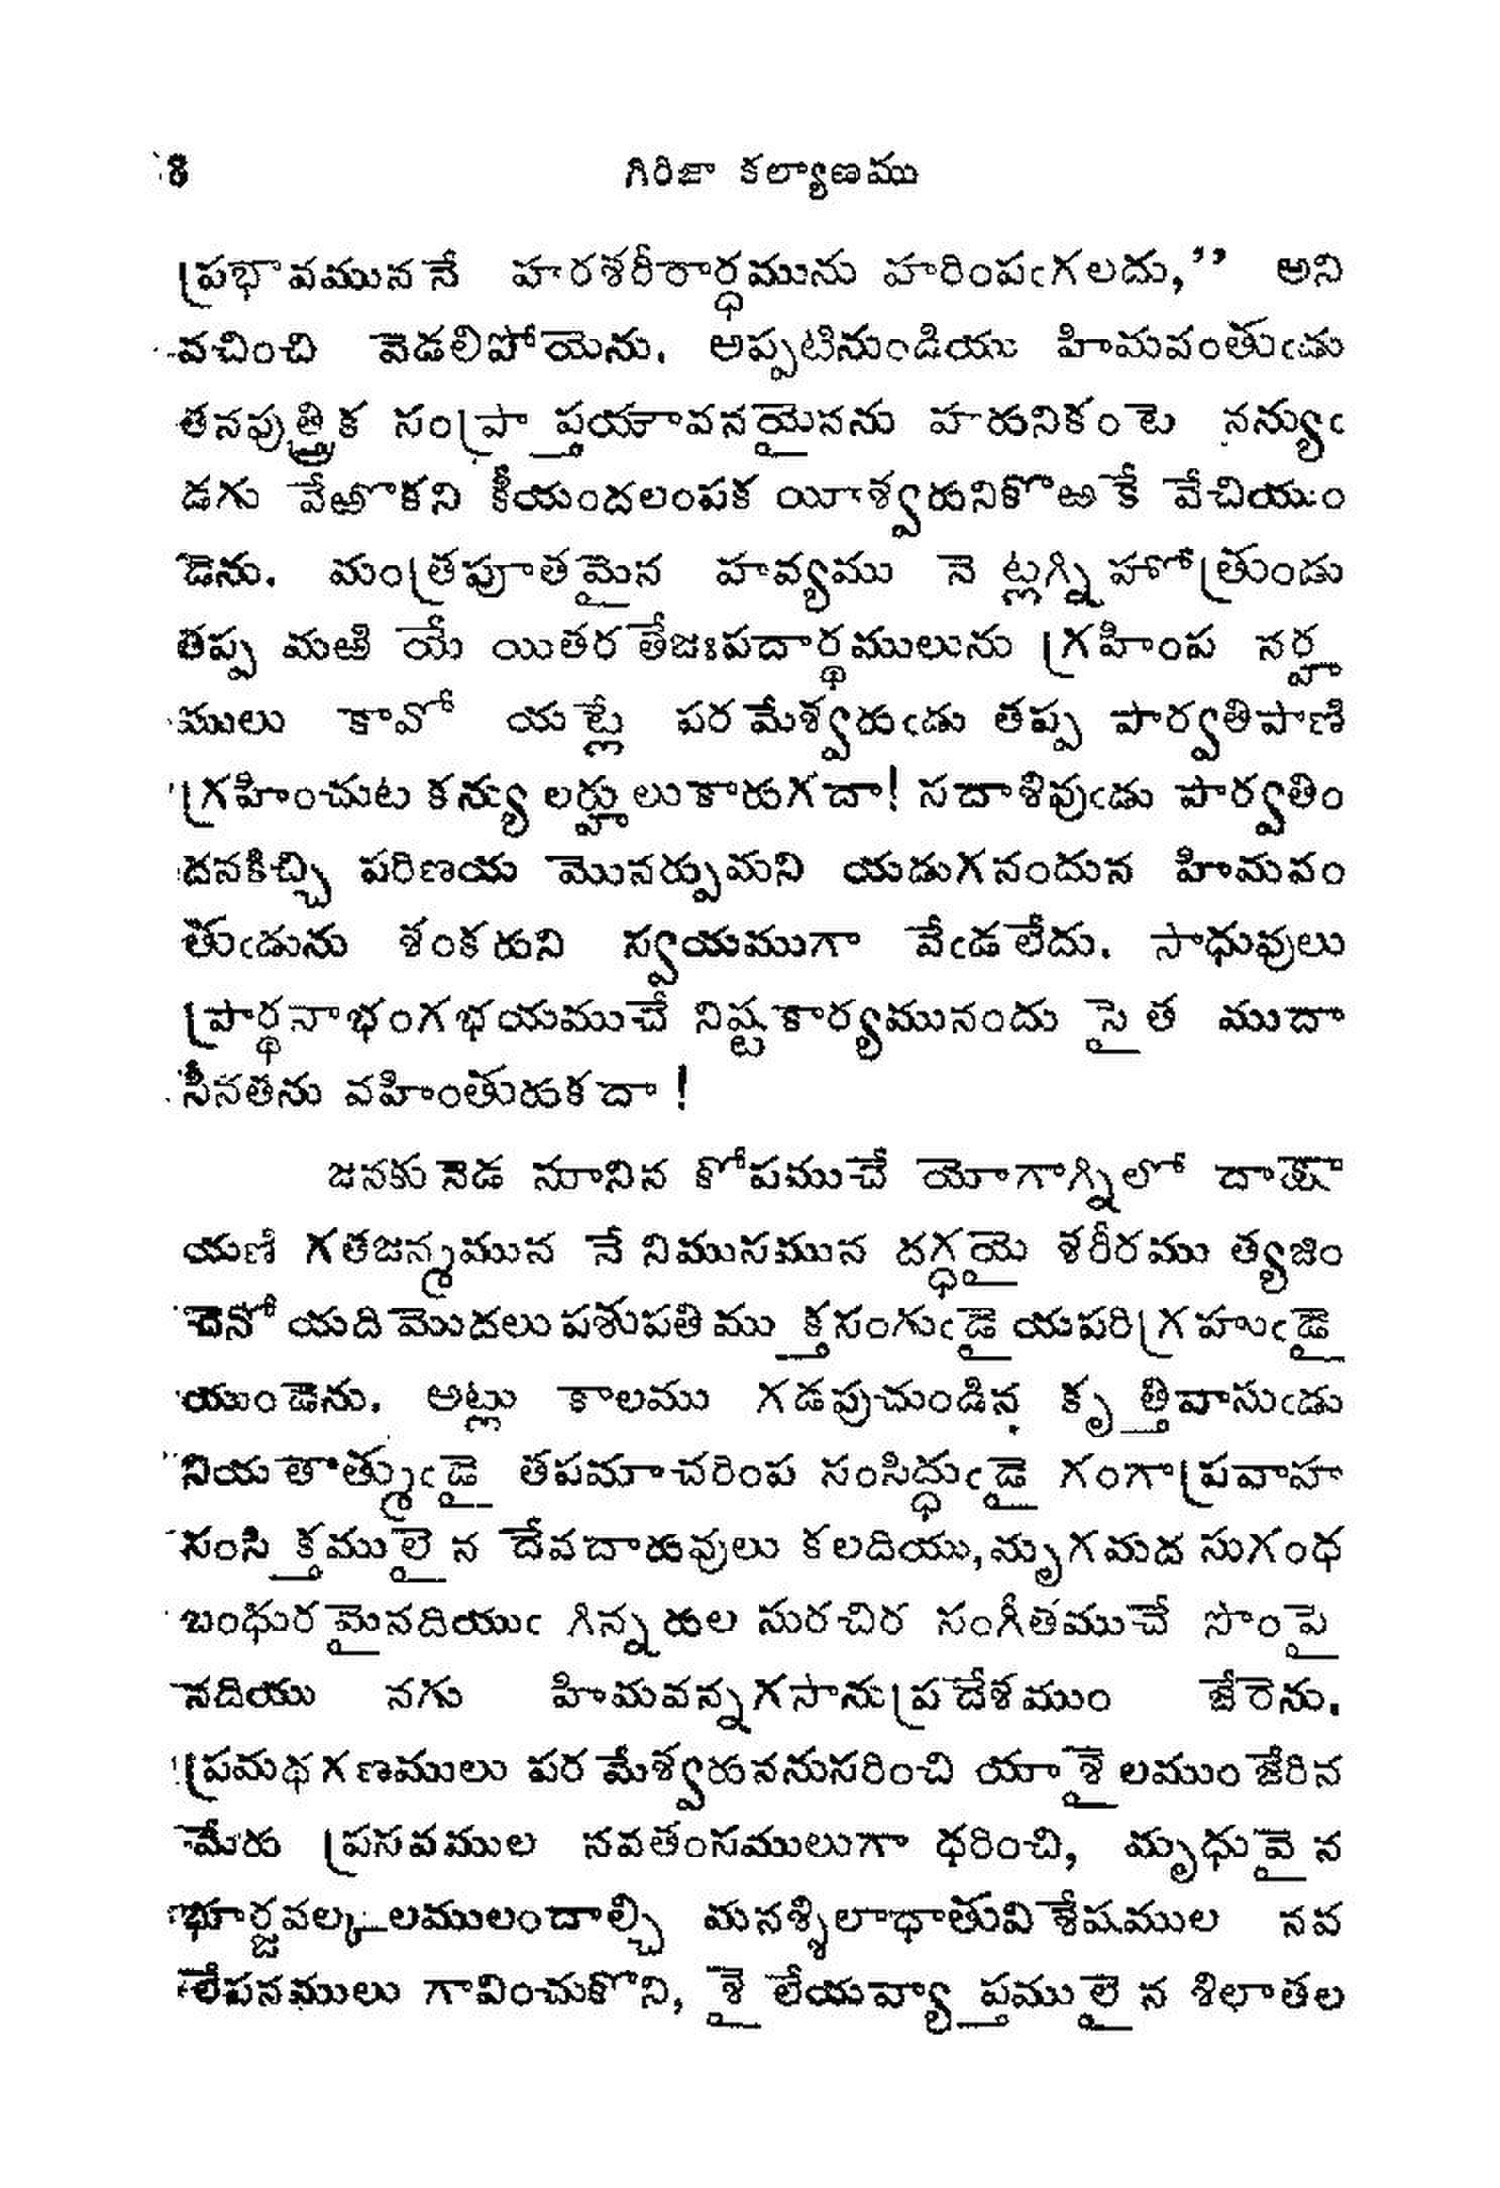ప్రభావముననే హరశరీరార్ధమును హరింపఁగలదు,” అని వచించి వెడలిపోయెను. అప్పటినుండియు హిమవంతుఁడు
తన పుత్రిక సంప్రాప్తయౌవనయైనను హరునికంటె నన్యుఁడగు వేఱోకని కీయందలంపక యీశ్వరునికొఱకే వేచియుండెను. మంత్రపూతమైన హవ్యము నెట్లగ్ని హోత్రుండు తప్ప మఱి యే యితర తేజఃపదార్థములును గ్రహింప నర్హములు కావో యట్లే పరమేశ్వరుఁడు తప్ప పార్వతిపాణి గ్రహించుట కన్యులర్హులు కారుగదా! సదాశివుఁడు పార్వతిం దనకిచ్చి పరిణయ మొనర్పుమని యడుగనందున హిమవంతుఁడును శంకరుని స్వయముగా వేఁడలేదు. సాధువులు ప్రార్థనాభంగభయముచే నిష్ట కార్యమునందు సైత ముదాసీనతను వహింతురుకదా!

జనకు నెడ నూనిన కోపముచే యోగాగ్నిలో దాక్షాయణి గతజన్మమున నే నిముసమున దగ్ధయై శరీరము త్యజించెనో యది మొదలు పశుపతి ముక్తసంగుఁడై యపరిగ్రహుఁడై యుండెను. అట్లు కాలము గడపుచుండిన కృత్తివాసుఁడు నియ తాత్ముఁడై తపమాచరింప సంసిద్ధుఁడై గంగా ప్రవాహ సంసిక్తములైన దేవదారువులు కలదియు, మృగమద సుగంధ బంధురమైనదియుఁ గిన్నరులు సురచిర సంగీతముచే సొంపైనదియు నగు హిమవన్నగసాను ప్రదేశముం జేరెను. ప్రమథ గణములు పరమేశ్వరు ననుసరించి యాశైలముం జేరిన మేరు ప్రసవముల నవతంసములుగా ధరించి, మృధువైన భూర్జవల్కలములం దాల్చి మనశ్శిలాధాతువిశేషముల నవ లేపనములు గావించుకొని, శైలేయవ్యాప్తములైన శిలాతల